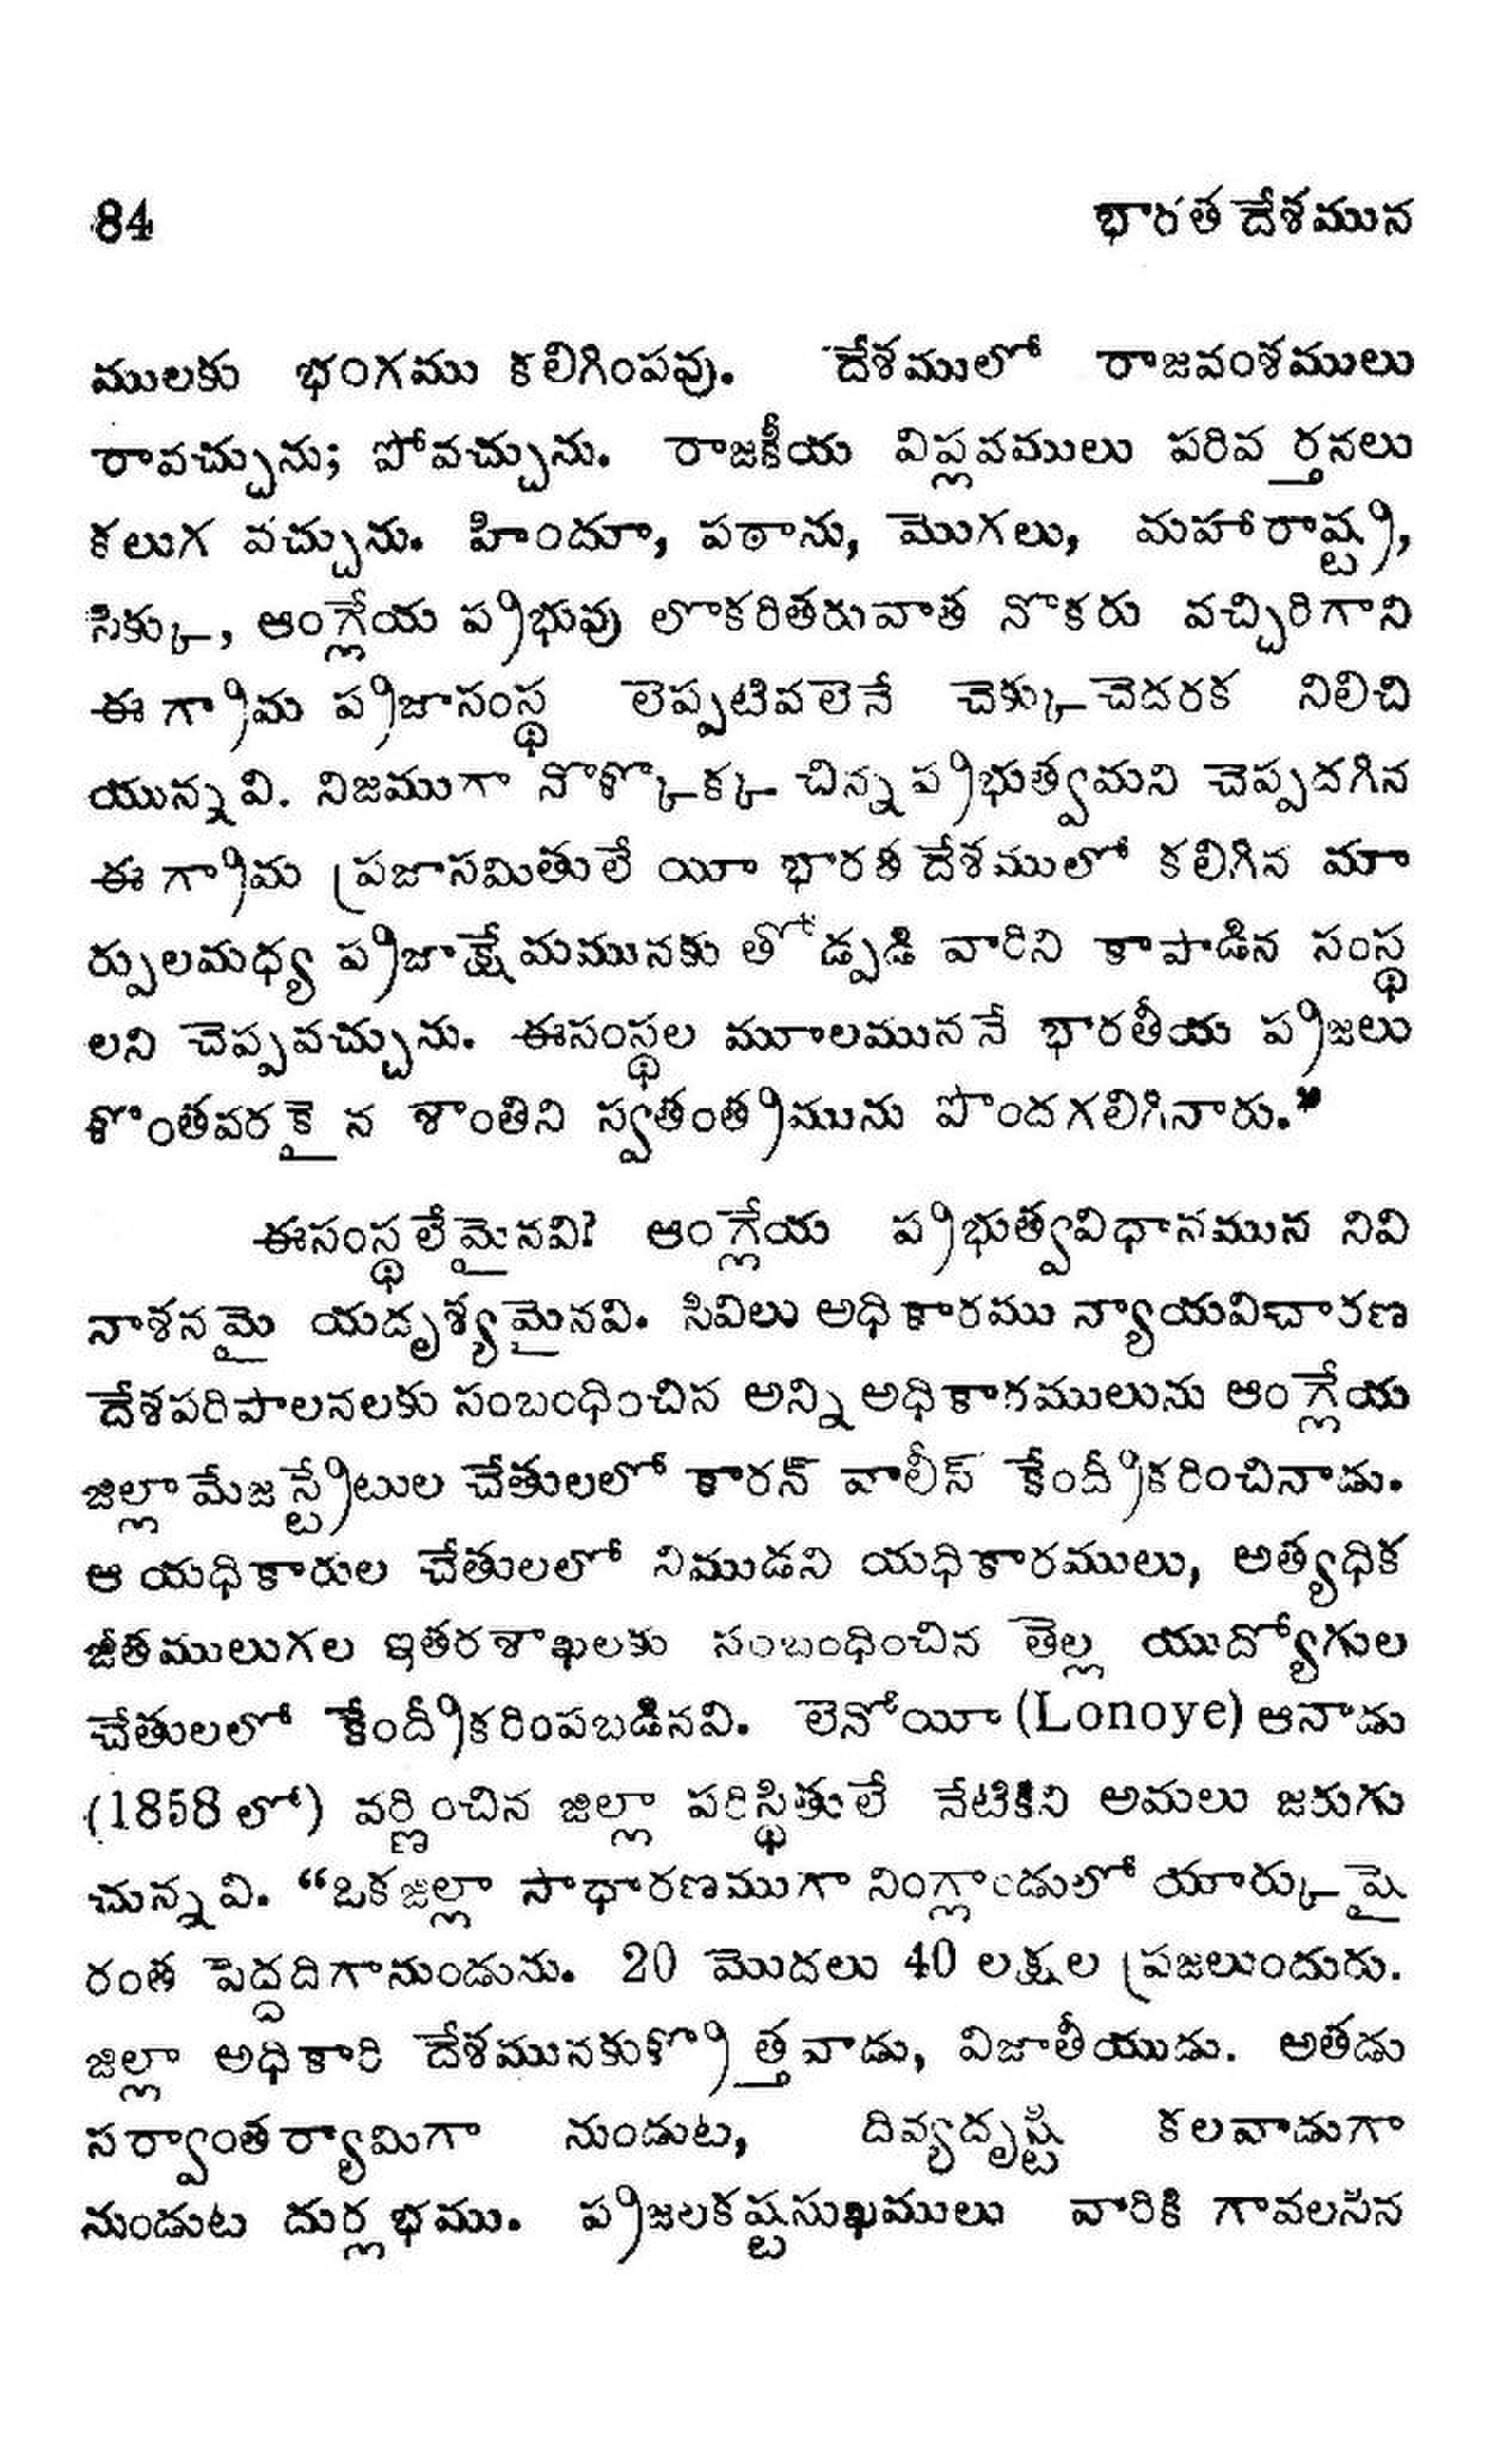ములకు భంగము కలిగింపవు. దేశములో రాజవంశములు రావచ్చును; పోవచ్చును. రాజకీయ విప్లవములు పరివర్తనలు కలుగ వచ్చును. హిందూ, పఠాను, మొగలు, మహారాష్ట్ర, సిక్కు, ఆంగ్లేయ ప్రభువు లొకరితరువాత నొకరు వచ్చిరిగాని ఈగ్రామ ప్రజాసంస్థ లెప్పటివలెనే చెక్కు చెదరక నిలిచియున్నవి. నిజముగా నొక్కొక్క చిన్న ప్రభుత్వమని చెప్పదగిన ఈ గ్రామ ప్రజాసమితులే యీ భారతదేశములో కలిగిన మార్పులమధ్య ప్రజాక్షేమమునకు తోడ్పడి వారిని కాపాడిన సంస్థలని చెప్పవచ్చును. ఈసంస్థల మూలముననే భారతీయ ప్రజలు కొంతవరకైన శాంతిని స్వతంత్రమును పొందగలిగినారు."

ఈసంస్థలేమైనవి? ఆంగ్లేయ ప్రభుత్వవిధానమున నివి నాశనమై యదృశ్యమైనవి. సివిలు అధికారము న్యాయవిచారణ దేశపరిపాలనలకు సంబంధించిన అన్ని అధికారములును ఆంగ్లేయ జిల్లా మేజస్ట్రేటుల చేతులలో కారన్ వాలీస్ కేంద్రీకరించినాడు. ఆ యధికారుల చేతులలో నిముడని యధికారములు, అత్యధిక జీతములుగల ఇతరశాఖలకు సంబంధించిన తెల్ల యుద్యోగుల చేతులలో కేంద్రీకరింపబడినవి. లెనోయీ (Lonoye) ఆనాడు (1858 లో) వర్ణించిన
జిల్లా పరిస్థితులే నేటికిని అమలు జరుగుచున్నవి. "ఒకజిల్లా సాధారణముగా నింగ్లాండులో యార్కుషైరంత పెద్దదిగానుండును. 20 మొదలు 40 లక్షల ప్రజలుందురు. జిల్లా అధికారి దేశమునకుక్రొత్తవాడు, విజాతీయుడు. అతడు సర్వాంతర్యామిగా నుండుట, దివ్యదృష్టి కలవాడుగా నుండుట దుర్లభము. ప్రజలకష్టసుఖములు వారికి గావలసిన